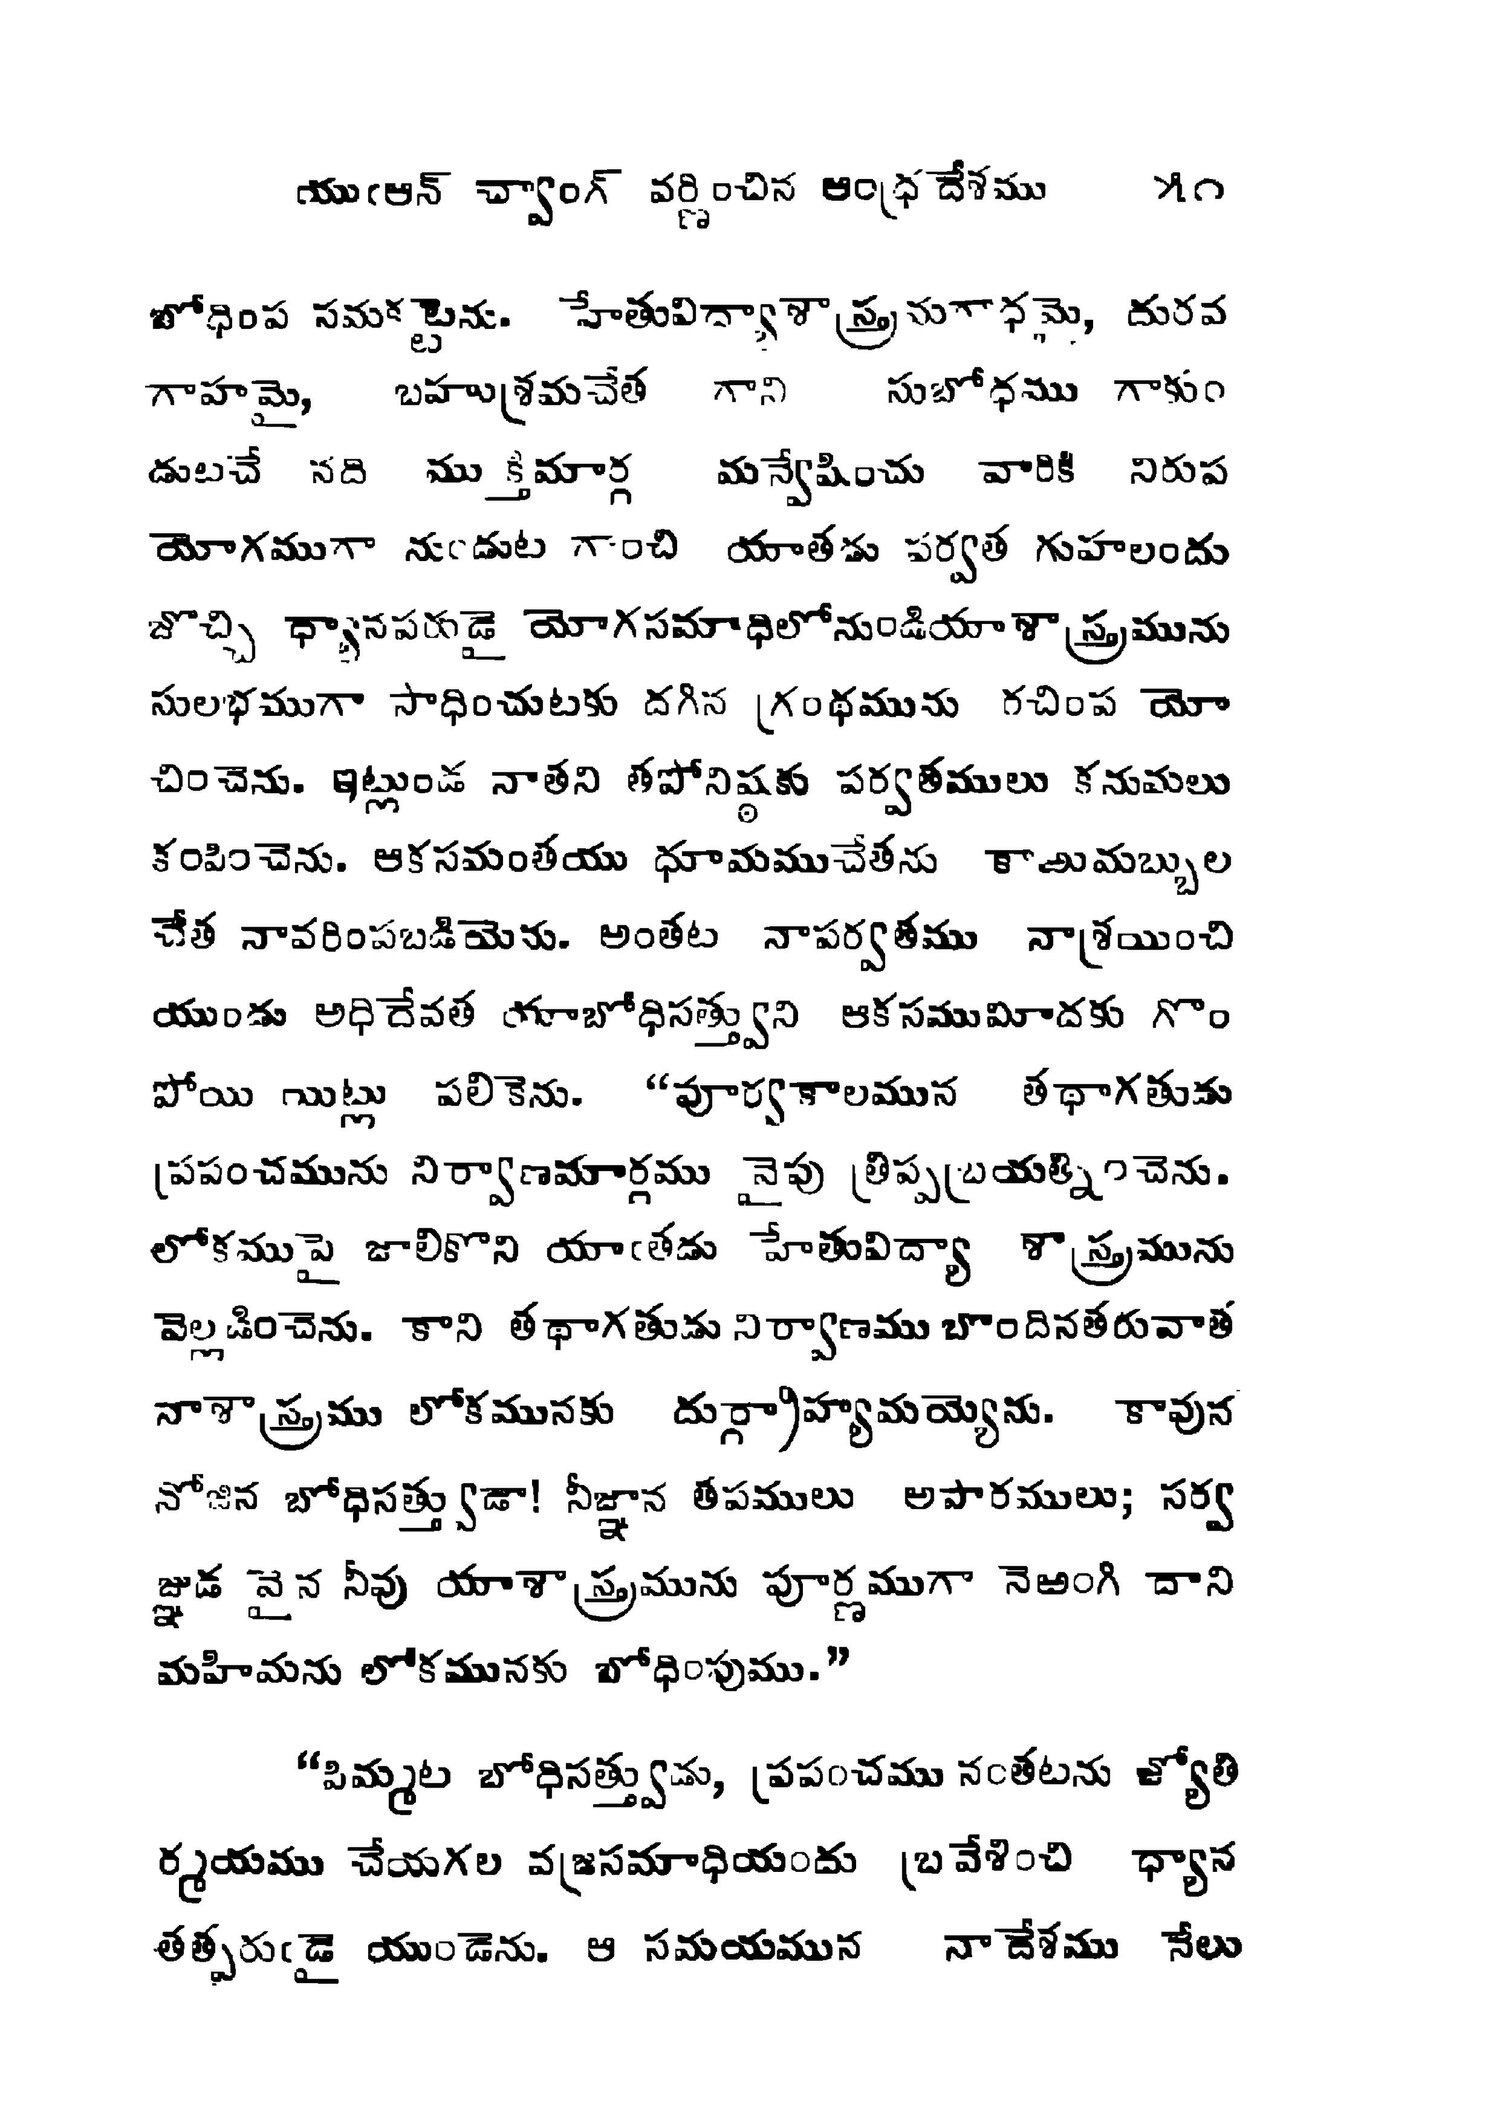బోధింప సమకట్టెను. హేతువిద్యాశాస్త్రయగాధమై, దురవగాహమై, బహుశ్రమచేత గాని సుబోధము గాకుండుటచే నది ముక్తిమార్గ మన్వేషించు వారికి నిరుపయోగముగా నుండుట గాంచి యాతడు పర్వత గుహలందు జొచ్చి ధ్యానపరుడై యోగసమాధిలో నుండియాశాస్త్రమును సులభముగా సాధించుటకు దగిన గ్రంథమును రచింప యోచించెను. ఇట్లుండ నాతని తపోనిష్ఠకు పర్వతములు కనుమలు కంపించెను. ఆకసమంతయు ధూమముచేతను కాఱుమబ్బుల చేత నావరింపబడియెను. అంతట నాపర్వతము నాశ్రయించి యుండు అధిదేవత యాబోధిసత్త్వుని ఆకసముమీదకు గొంపోయి యిట్లు పలికెను. "పూర్వకాలమున తథాగతుడు ప్రపంచమును నిర్వాణమార్గము వైపు త్రిప్పబ్రయత్నించెను. లోకముపై జాలికొని యాతడు హేతువిద్యా శాస్త్రమును వెల్లడించెను. కాని తథాగతుడు నిర్వాణము బొందిన తరువాత నాశాస్త్రము లోకమునకు దుర్గ్రాహ్యమయ్యెను. కావున నోజిన బోధిసత్త్వుడా! నీజ్ఞాన తపములు అపారములు; సర్వజ్ఞుడ వైన నీవు యాశాస్త్రమును పూర్ణముగా నెఱంగి దాని మహిమను లోకమునకు బోధింపుము."

"పిమ్మట బోధిసత్త్వుడు, ప్రపంచము నంతటను జ్యోతిర్మయము చేయగల వజ్రసమాధియందు బ్రవేశించి ధ్యానతత్పరుడై యుండెను. ఆ సమయమున నాదేశము నేలు